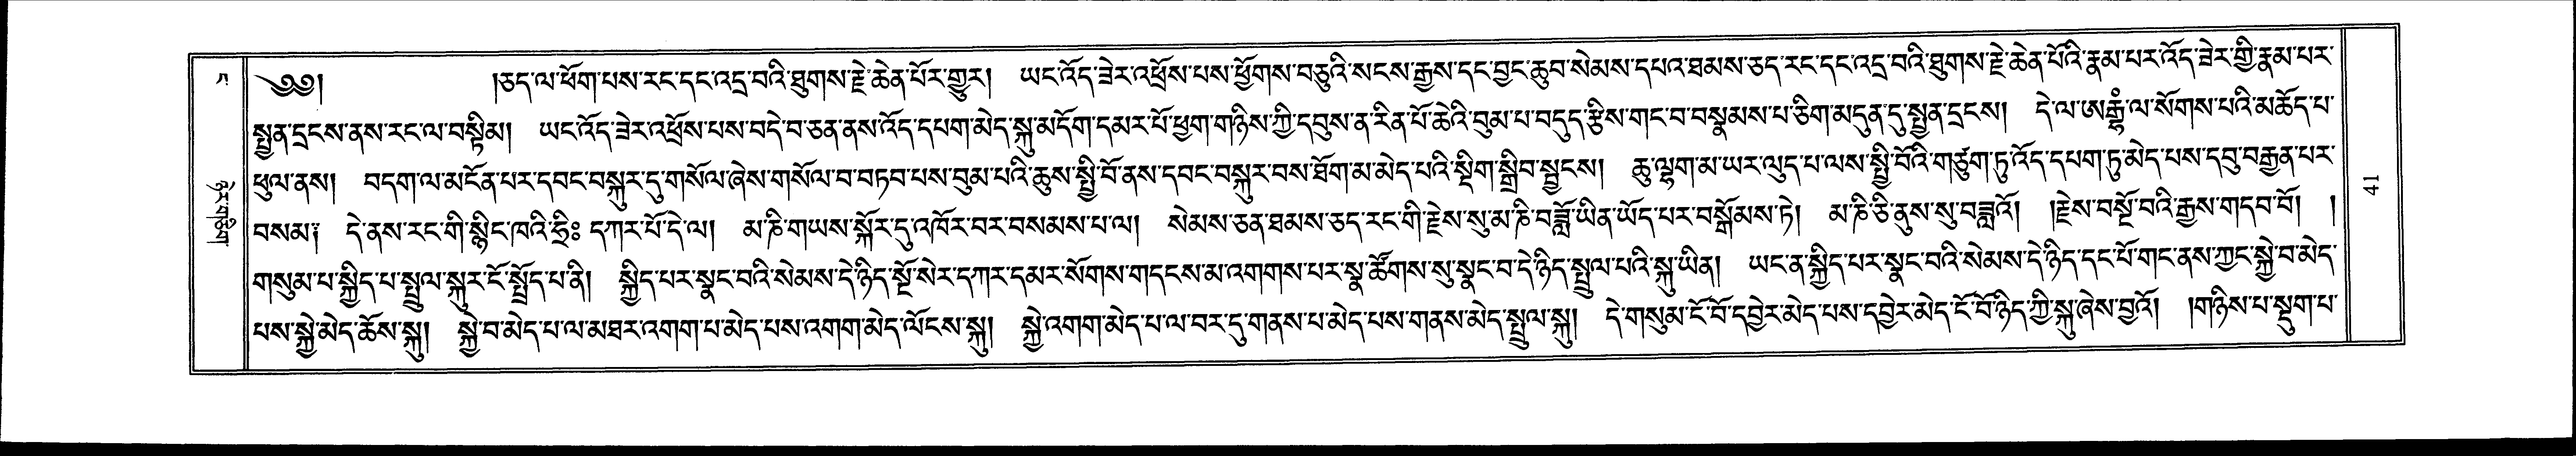༄༅། །ཅད་ལ་ཕོག་པས་རང་དང་འདྲ་བའི་ཐུགས་རྗེ་ཆེན་པོར་གྱུར། ཡང་འོད་ཟེར་འཕྲོས་པས་ཕྱོགས་བཅུའི་སངས་རྒྱས་དང་བྱང་ཆུབ་སེམས་དཔའ་ཐམས་ཅད་རང་དང་འདྲ་བའི་ཐུགས་རྗེ་ཆེན་པོའི་རྣམ་པར་འོད་ཟེར་གྱི་རྣམ་པར་
སྤྱན་དྲངས་ནས་རང་ལ་བསྟིམ། ཡང་འོད་ཟེར་འཕྲོས་པས་བདེ་བ་ཅན་ནས་འོད་དཔག་མེད་སྐུ་མདོག་དམར་པོ་ཕྱག་གཉིས་ཀྱི་དབུས་ན་རིན་པོ་ཆེའི་བུམ་པ་བདུད་རྩིས་གང་བ་བསྣམས་པ་ཅིག་མདུན་དུ་སྤྱན་དྲངས། དེ་ལ་ཨརྒྷཾ་ལ་སོགས་པའི་མཆོད་པ་
ཕུལ་ནས། བདག་ལ་མངོན་པར་དབང་བསྐུར་དུ་གསོལ་ཞེས་གསོལ་བ་བཏབ་པས་བུམ་པའི་ཆུས་སྤྱི་བོ་ནས་དབང་བསྐུར་བས་ཐོག་མ་མེད་པའི་སྡིག་སྒྲིབ་སྦྱངས། ཆུ་ལྷག་མ་ཡར་ལུད་པ་ལས་སྤྱི་བོའི་གཙུག་ཏུ་འོད་དཔག་ཏུ་མེད་པས་དབུ་བརྒྱན་པར་
བསམ། དེ་ནས་རང་གི་སྙིང་ཁའི་ཧྲིཿ དཀར་པོ་དེ་ལ། མ་ཎི་གཡས་སྐོར་དུ་འཁོར་བར་བསམས་པ་ལ། སེམས་ཅན་ཐམས་ཅད་རང་གི་རྗེས་སུ་མ་ཎི་བཟློ་ཡིན་ཡོད་པར་བསྒོམས་ཏེ། མ་ཎི་ཅི་ནུས་སུ་བཟླའོ། །རྗེས་བསྔོ་བའི་རྒྱས་གདབ་བོ། །
གསུམ་པ་སྐྱིད་པ་སྤྲུལ་སྐུར་ངོ་སྤྲོད་པ་ནི། སྐྱིད་པར་སྣང་བའི་སེམས་དེ་ཉིད་སྔོ་སེར་དཀར་དམར་སོགས་གདངས་མ་འགགས་པར་སྣ་ཚོགས་སུ་སྣང་བ་དེ་ཉིད་སྤྲུལ་པའི་སྐུ་ཡིན། ཡང་ན་སྐྱིད་པར་སྣང་བའི་སེམས་དེ་ཉིད་དང་པོ་གང་ནས་ཀྱང་སྐྱེ་བ་མེད་
པས་སྐྱེ་མེད་ཆོས་སྐུ། སྐྱེ་བ་མེད་པ་ལ་མཐར་འགག་པ་མེད་པས་འགག་མེད་ལོངས་སྐུ། སྐྱེ་འགག་མེད་པ་ལ་བར་དུ་གནས་པ་མེད་པས་གནས་མེད་སྤྲུལ་སྐུ། དེ་གསུམ་ངོ་བོ་དབྱེར་མེད་པས་དབྱེར་མེད་ངོ་བོ་ཉིད་ཀྱི་སྐུ་ཞེས་བྱའོ། །གཉིས་པ་སྡུག་པ་